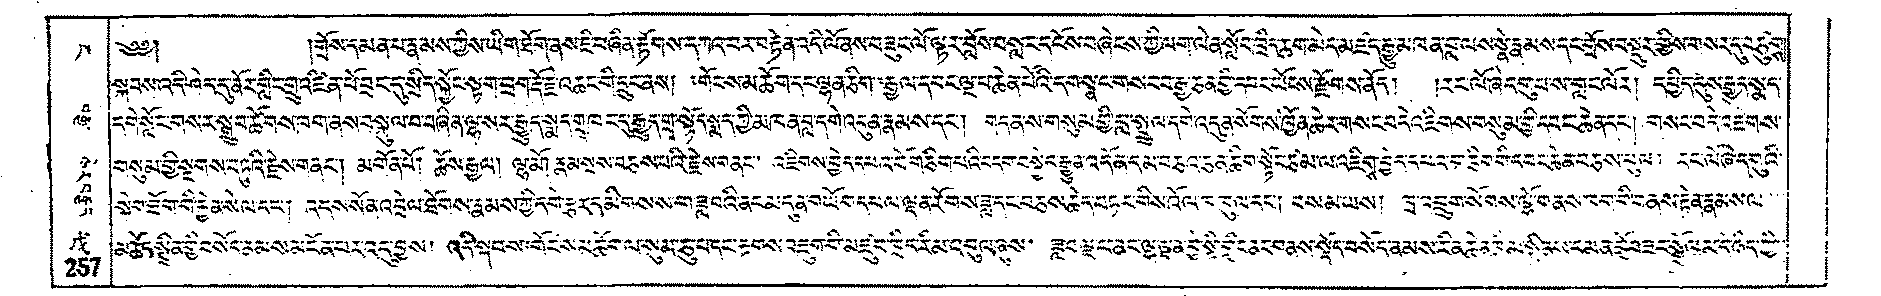༄༅། །གྲོས་དམན་པ་རྣམས་ཀྱིས་ཡིག་ཐོག་ནས་ཇི་བཞིན་རྟོགས་དཀའ་བར་བརྟེན་འདི་ལོ་ནས་བཟུང་ལོ་ལྟར་བློས་བསླང་དངོས་བཞེངས་ཀྱི་ལག་ལེན་སློབ་ཁྲིད་ཆག་མེད་མཛད་རྒྱུ་མཁན་བླ་ལས་སྣེ་རྣམས་དང་གྲོས་བསྡུར་གྱིས་གསར་དུ་བཙུགས་
སྐབས་འདི་ཤེད་དུ་ནོར་གླིང་གྲུ་འཛིན་ཕོ་བྲང་དུ་སྲིད་སྐྱོང་སྟག་བྲག་རྡོ་རྗེ་འཆང་གི་དྲུང་ནས། ༧གོང་ས་མཆོག་དང་ལྷན་ཅིག་༧རྒྱལ་དབང་ལྔ་པ་ཆེན་པོའི་དག་སྣང་གསང་བ་རྒྱ་ཅན་གྱི་དབང་ཡོངས་རྫོགས་ནོད། །རང་ལོ་ཞེ་དགུ་པ་ས་གླང་ལོར། དཔྱིད་དུས་རྒྱུད་སྨད་
དགེ་སློང་གསར་སྒྲུབ་ཚོགས་ཁག་ནས་བསྐུལ་བ་བཞིན་ལྷ་སར་རྒྱུད་སྨད་གྲྭ་ཁང་དུ་རྒྱུད་གྲྭ་སྟོད་སྨད་ཀྱི་མཁན་བླ་དགེ་འདུན་རྣམས་དང་། གདན་ས་གསུམ་གྱི་བླ་སྤྲུལ་དགེ་འདུན་སོགས་ཁྱོན་ཆེར་གསང་བདེ་འཇིགས་གསུམ་གྱི་དབང་ཆེན་དང་། གསང་བདེ་འཇགས་
གསུམ་གྱི་སྔགས་བཏུའི་རྗེས་གནང་། མགོན་པོ། ཆོས་རྒྱལ། ལྷ་མོ། རྣམ་སྲས་བཅས་པའི་རྗེས་གནང་། འཇིགས་བྱེད་དཔའ་བོ་གཅིག་པའི་བདག་བསྐྱེད་རྒྱུན་འདོན་དམ་བཅའ་ཅན་ཆིག་སྟོང་ཙམ་ལ་འཇིགས་བྱེད་དཔའ་གཅིག་གི་དབང་ཆེན་བཅས་ཕུལ། རང་ལོ་ཞེ་དགུའི་
སྐེག་ཐོག་གི་རྐྱེན་སེལ་དང་། འདས་སོན་འབྲེལ་ཐོགས་རྣམས་ཀྱི་དགེ་རྩར་དམིགས་ས་ག་ཟླ་བའི་ནང་མདུན་གཡོག་དཔལ་ལྡན་རོགས་ཟླ་དང་བཅས་ཆེད་བཏང་གིས་འོལ་ཁ་ཁུལ་དང་། བསམ་ཡས། ཁྲ་འབྲུག་སོགས་ལྷོ་གནས་ཁག་གི་གནས་རྟེན་རྣམས་ལ་
མཆོད་སྤྲིན་གྱི་བསོད་ནམས་མངོན་པར་འདུ་བྱས། འདི་སྐབས་༧གོང་ས་མཆོག་ལ་སུམ་ཅུ་པ་དང་རྟགས་འཇུག་གི་མཛུབ་ཁྲིད་རིམ་འབུལ་ཞུས། ཟླ་བ་ལྔ་པ་ནང་ལྷ་ལྡན་བྱེ་སྟི་གླིང་ནང་གནས་སྡོད་བསོད་ནམས་རིན་ཆེན་ཁྱིམ་སྤྱི་ནས་དམན་བློ་བཟང་སྒྲོལ་མ་དེ་ཉིད་ཀྱི་